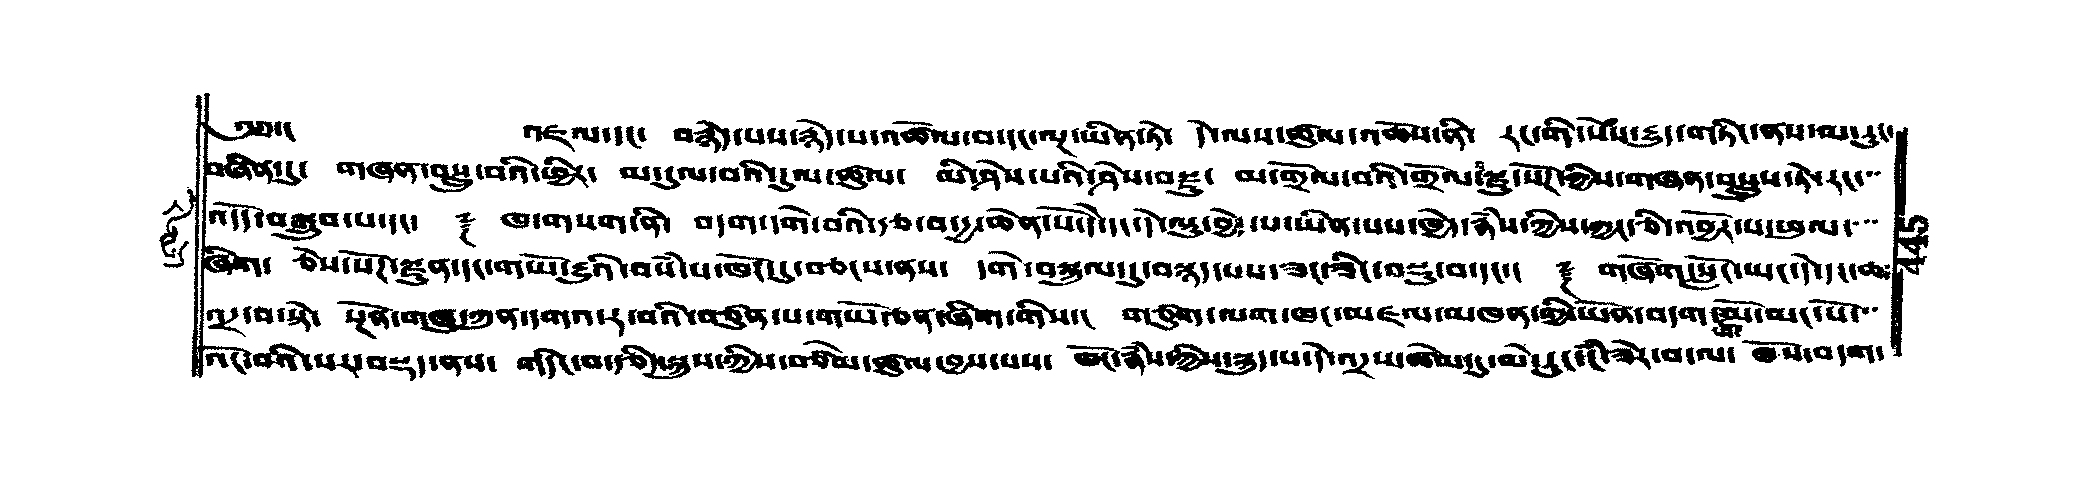འཇལ་དང་། བརྙེད་པས་རྙེད་པ་འཚོལ་བ་དང་ལྔ་ཡིན་ཏེ། དེ་ལས་ཚུལ་འཆོས་ནི། རང་གི་སེམས་རྒྱུད་གཏིང་ནས་མ་རུང་
བཞིན་དུ་གཞན་བསླུ་བའི་ཕྱིར། མ་དུལ་བའི་དུལ་ཚུལ། མི་ཤེས་པའི་ཤེས་བརྫུ། མ་གྲོལ་བའི་གྲོལ་བརྫུ་སོགས་ཀྱིས་གཞན་བསླུས་ཏེ་རང་
འདོད་བསྒྲུབ་པ་དང་། ཁ་གསག་ནི། བདག་དགེ་བའི་རྩ་བ་རྒྱ་ཆེན་པོ་དེ་དང་དེ་ལྟ་བུ་བྱེད་པ་ཡིན་པས་ཁྱེད་རྣམས་ཀྱིས་ཀྱང་ཅི་འབྱོར་པ་ཕུལ་
ཞིག ཅེས་སོགས་བརྫུན་དང་གཡོ་རྒྱུའི་བསམ་པ་ཁོང་དུ་བཅངས་ནས། དགེ་བསྐུལ་དུ་བསྙད་པས་ཟང་ཟིང་བསྡུ་བ་དང་། གཞོགས་སློང་ཡང་དེ་དང་ཆ་
འདྲ་བ་སྟེ། སྔོན་ཀུན་དགའ་ར་བའི་བཙུན་པ་གཡོ་ཅན་ཞིག་གིས། གཙུག་ལག་ཁང་མཇལ་མཁན་གྱི་ཡོན་བདག་ཕོ་མོ་མང་པོ་
འོང་བའི་སར་བསྡད་ནས། གདིང་བ་རྩིད་སྐུས་ཀྱིས་བཙེམ་ཚུལ་བྱས་པས། ཁོང་རྣམས་ཀྱིས་སྐུད་པ་དེ་འདྲས་ཚེམ་དུ་མི་རུང་ངམ་ཟེར་བ་ལ། ཁོས་བདག་